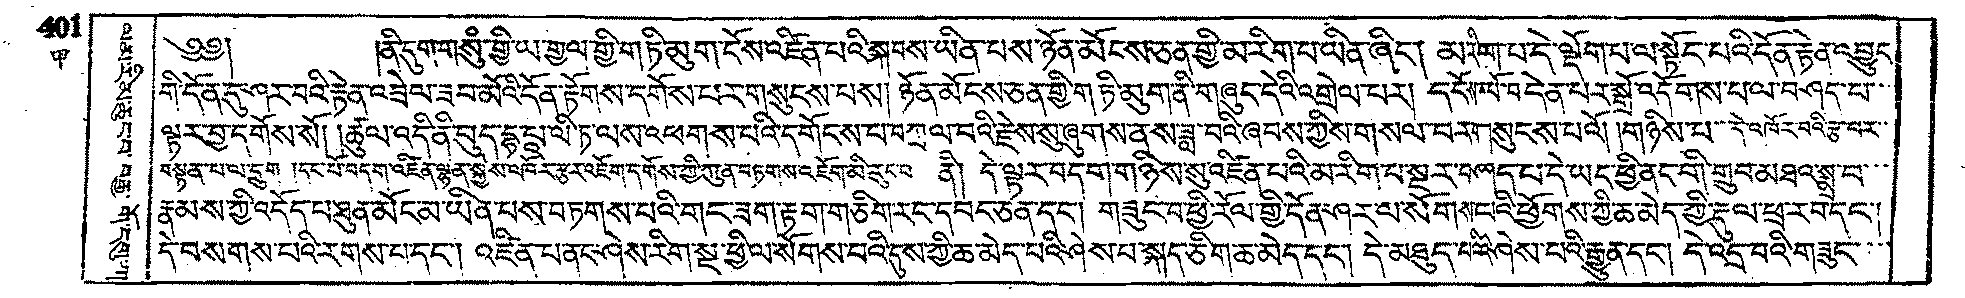༄༅། །ནི་དུག་གསུཾ་གྱི་ཡ་གྱལ་གྱི་གཏི་མུག་ངོས་འཛིན་པའི་སྐབས་ཡིན་པས་ཉོན་མོངས་ཅན་གྱི་མ་རིག་པ་ཡིན་ཞིང་། མ་རིག་པ་དེ་ལྡོག་པ་ལ་སྟོང་པའི་དོན་རྟེན་འབྱུང་
གི་དོན་དུ་ཤར་བའི་རྟེན་འབྲེལ་ཟབ་མོའི་དོན་རྟོགས་དགོས་པར་གསུངས་པས། ཉོན་མོངས་ཅན་གྱི་གཏི་མུག་ནི་གཞུང་དེའི་འགྲེལ་པར། དངོས་པོ་བདེན་པར་སྒྲོ་འདོགས་པ་ལ་བཤད་པ་
ལྟར་བྱ་དགོས་སོ། །ཚུལ་འདི་ནི་བུད་དྷ་པཱ་ལི་ཏ་ལས་འཕགས་པའི་དགོངས་པ་བཀྲལ་བའི་རྗེས་སུ་ཞུགས་ནས་ཟླ་བའི་ཞབས་ཀྱིས་གསལ་བར་གསུངས་པའོ། །གཉིས་པདེ་འཁོར་བའི་རྩ་བར་
བསྟན་པ་ལ་དྲུག །དང་པོ་བདག་འཛིན་ལྷན་སྐྱེས་འཁོར་རྩར་འཇོག་དགོས་ཀྱི་ཀུན་བཏགས་འཇོག་མི་རུང་བནི། དེ་ལྟར་བདག་གཉིས་སུ་འཛིན་པའི་མ་རིག་པ་སྔར་བཤད་པ་དེ་ཡང་ཕྱི་ནང་གི་གྲུབ་མཐའ་སྨྲ་བ་
རྣམས་ཀྱི་འདོད་པ་ཐུན་མོང་མ་ཡིན་པས་བཏགས་པའི་གང་ཟག་རྟག་གཅིག་རང་དབང་ཅན་དང་། གཟུང་བ་ཕྱི་རོལ་གྱི་དོན་ཤར་ལ་སོགས་པའི་ཕྱོགས་ཀྱི་ཆ་མེད་ཀྱི་རྡུལ་ཕྲ་རབ་དང་།
དེ་བསགས་པའི་རགས་པ་དང་། འཛིན་པ་ནང་ཤེས་རིག་སྔ་ཕྱི་ལ་སོགས་པའི་དུས་ཀྱི་ཆ་མེད་པའི་ཤེས་པ་སྐད་ཅིག་ཆ་མེད་དང་། དེ་མཐུད་པའི་ཤེས་པའི་རྒྱུན་དང་། དེ་འདྲ་བའི་གཟུང་